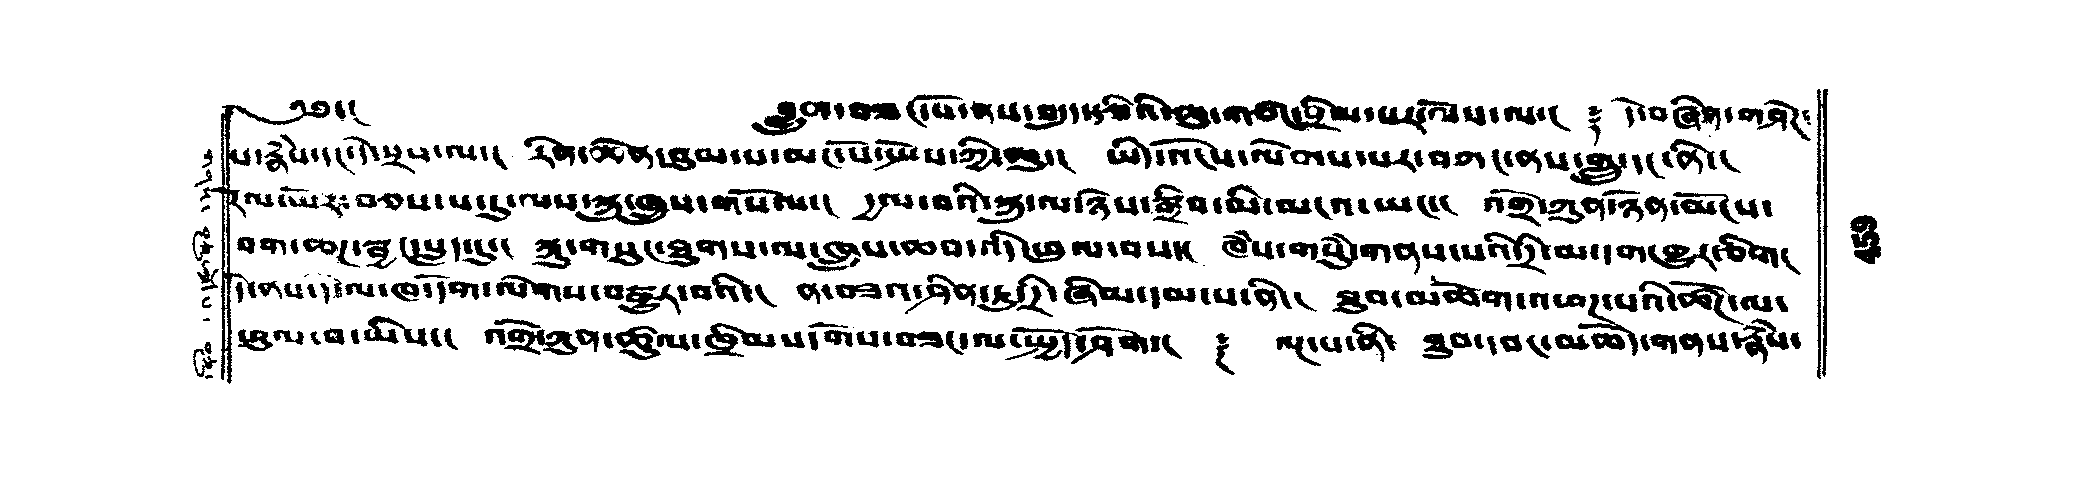བླུག་བཟང་པོ་ནས་བདུད་རྩིའི་ཆུ་གཙང་བྲིམ་པར་མོས་ལ། དེ་བཞིན་གཤེགས་
པ་རྣམས་དང་དེ་སྲས་ལ། །རིན་ཆེན་བུམ་པ་མང་པོ་སྤོས་ཀྱི་ཆུ། །ཡིད་འོང་ལེགས་པར་བཀང་ནས་གླུ་དང་ནི། །
རཽལ་མོར་བཅས་པ་དུ་མས་སྐུ་ཁྲུས་གསོལ། །རྒྱལ་བའི་སྐུ་ལ་ཉེས་སྒྲིབ་མི་མངའ་ཡང་། །འགྲོ་ཀུན་ཉོན་མོངས་
བག་ཆགས་སྦྱང་སླད་དུ། །སྐུ་གསུང་ཐུགས་ལ་ཁྲུས་ཆབ་འདི་ཕུལ་བས། །ཁམས་གསུམ་གནས་པའི་དྲི་མ་དག་གྱུར་ཅིག །
དེ་ནས་དེ་ལ་ཁ་དོག་ལེགས་བསྒྱུར་བའི། །ན་བཟའ་ཤིན་ཏུ་དྲི་ཞིམ་དམ་པ་ནི། །ཐུབ་མཆོག་འཕགས་པའི་ཚོགས་ལ་
ཕུལ་བ་ཡིས། །འགྲོ་ཀུན་ཚུལ་ཁྲིམས་གོས་བཟང་ལ་སྤྱོད་ཤོག ལྔ་པ་ནི། ཐུབ་དབང་མཆོད་གནས་རྣམས་